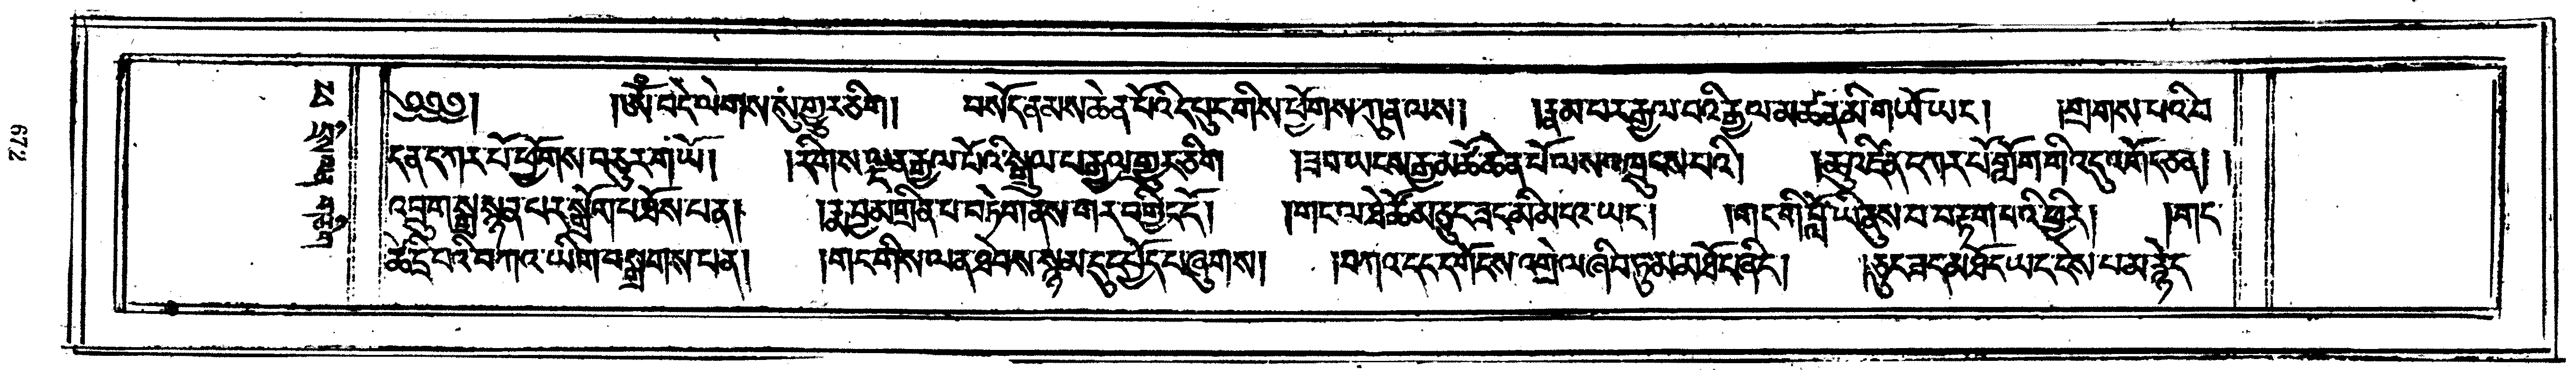༄༅༅། །ཨོཾ་བདེ་ལེགས་སུ་གྱུར་ཅིག། བསོད་ནམས་ཆེན་པོའི་དཔུང་གིས་ཕྱོགས་ཀུན་ལས། །རྣམ་པར་རྒྱལ་བའི་རྒྱལ་མཚན་མི་གཡོ་ཡང་། །གྲགས་པའི་བ་
དན་དཀར་པོ་ཕྱོགས་བཅུར་གཡོ། །རིགས་ལྡན་རྒྱལ་པོའི་སྒྲུལ་པ་རྒྱལ་གྱུར་ཅིག །ཟབ་ཡངས་རྒྱ་མཚོ་ཆེན་པོ་ལས་འཁྲུངས་པའི། །ཆུ་འཛིན་དཀར་པོ་གློག་གི་འདུ་འགོད་ཅན། །
འབྲུག་སྒྲ་སྙན་པར་སྒྲོག་པ་ཐོས་པ་ན། །རྨ་བྱ་མགྲིན་པ་བཏེག་ནས་གར་བགྱིད་དོ། །གང་ལ་ཐེ་ཚོམ་ཅུང་ཟད་མི་མངའ་ཡང་། །གང་གི་བློ་ཡི་ནུས་པ་བརྟག་པའི་ཕྱིར། །གང་
ཚེ་དྲི་བའི་བཀའ་ཡིག་བསྒྲགས་པ་ན། །གང་གིས་ལན་ཐེབས་སྙམ་དུ་དཔྱོད་པ་ཞུགས། །བཀའ་དང་དགོངས་འགྲེལ་ཞིབ་ཏུ་མ་མཐོང་ཞིང་། །ཅུང་ཟད་མཐོང་ཡང་ངེས་པ་མྲྙེད་